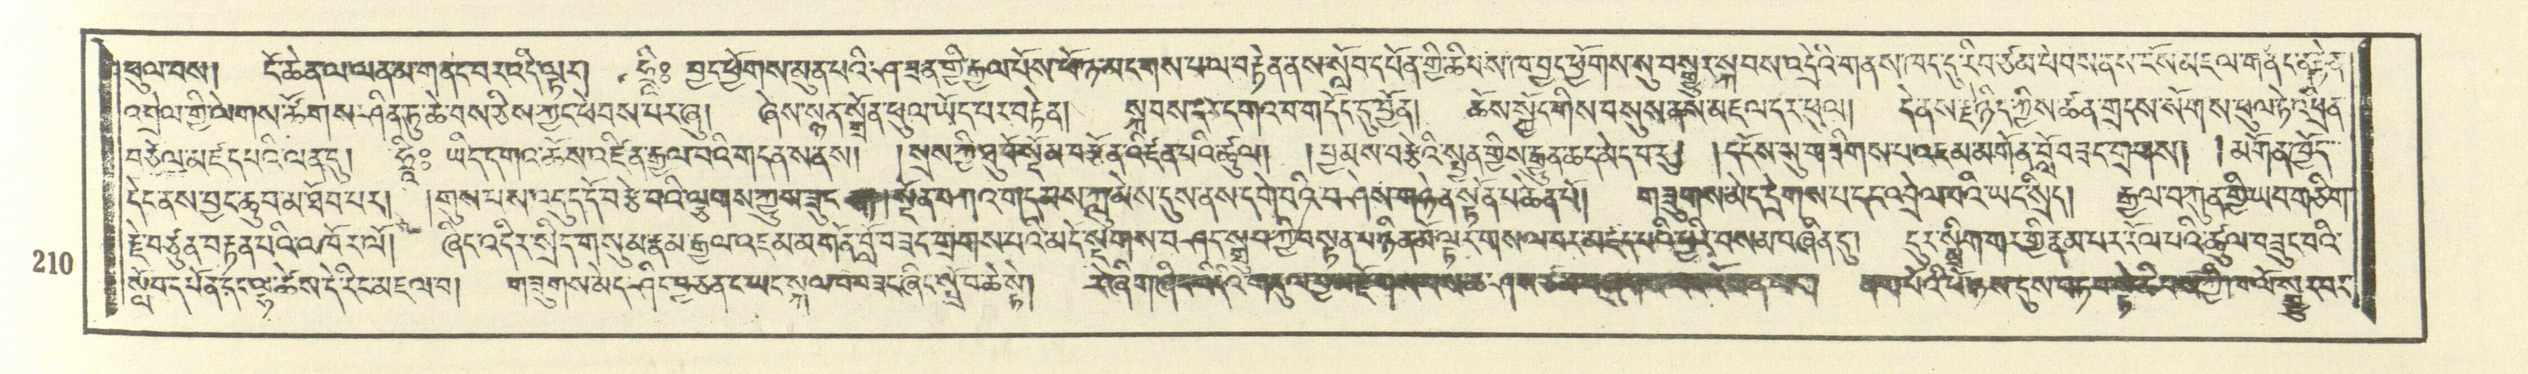ཕུལ་བས། དེ་ཆེན་ལ་ལན་མ་གནང་བར་འདི་ལྟར། ཧྲཱིཿ བྱང་ཕྱོགས་མུན་པའི་ཤ་ཟན་གྱི་རྒྱལ་པོས་ཕོ་ཉ་མངགས་པ་ལ་བརྟེན་ནས་སློབ་དཔོན་གྱི་ཆིབས་ཁ་བྱང་ཕྱོགས་སུ་བསྒྱུར་སྐབས་འདྲེའི་གནས་ཁང་དུ་རིབ་ཙམ་ཕེབས་ནས་ངོས་མཇལ་གནང་ན་རྟེན་
འབྲེལ་གྱི་ལེགས་ཚོགས་ཤིན་ཏུ་ཆེ་བས་ཅིས་ཀྱང་ཕེབས་པར་ཞུ། ཞེས་སྙན་སྒྲོན་ཕུལ་ཡོད་པར་བརྟེན། སྐབས་དེར་དགའ་བ་གདོང་དུ་བྱོན། ཆོས་སྐྱོང་གིས་བསུས་ནས་མཇལ་དར་ཕུལ། དེ་ནས་རྗེ་ཉིད་ཀྱིས་ཚན་གྲངས་སོགས་ཕུལ་ཏེ་འཕྲིན་
བཅོལ་མཛད་པའི་ལན་དུ། ཧྲཱིཿ ཡིད་དགའ་ཆོས་འཛིན་རྒྱལ་བའི་གདན་ས་ནས། །སྲས་ཀྱི་ཐུ་བོ་སྡོམ་བརྩོན་འཛིན་པའི་ཚུལ། །བྱམས་བརྩེའི་སྤྱན་གྱིས་རྒྱུན་ཆད་མེད་པ་རུ། །དངོས་སུ་གཟིགས་པ་འཇམ་མགོན་བློ་བཟང་གྲགས། །མགོན་ཁྱོད་
དེང་ནས་བྱང་ཆུབ་མ་ཐོབ་པར། །གུས་པས་འདུད་དོ་བརྩེ་བའི་ལྕགས་ཀྱུས་ཟུངས། །སྔོན་བཀའ་གདམས་ཀླུ་མེས་དུས་ནས་དགེ་བའི་བཤེས་གཉེན་སྟོན་པ་ཆེན་པོ། གཟུགས་མེད་དྲེགས་པ་དང་འབྲེལ་བའི་ཡང་སྲིད། རྒྱལ་བ་ཀུན་གྱི་ཡབ་གཅིག་
རྗེ་བཙུན་བརྟན་པའི་འཁོར་ལོ། ཞིང་འདིར་སྲིད་གསུམ་རྣམ་རྒྱལ་འཇམ་མགོན་བློ་བཟང་གྲགས་པའི་མདོ་སྔགས་བཤད་སྒྲུབ་ཀྱི་བསྟན་པ་ཉིན་མོ་ལྟར་གསལ་བར་མཛད་པའི་ཕྱིར་བསམ་བཞིན་དུ། དུར་སྨྲིག་གར་གྱི་རྣམ་པར་རོལ་པའི་ཚུལ་བཟུང་བའི་
སློབ་དཔོན་དང་ལྷ་ཚེས་དེ་རིང་མཇལ་བ། གཟུགས་མེད་ཤིང་བྱ་ཅན་ང་ཡང་སྐལ་བ་བཟང་ཞིང་སྤྲོ་བ་ཆེ་སྟེ། རེ་ཞིག་ཞིང་འདིའི་གདུལ་བྱ་མ་རྫོགས་པས་ཆ་ཤས་ཙམ་བཞུགས་པར་འོས་ན་ཡང་། ནག་པོའི་ཕོ་ཉས་དུས་བཏབ་སྟེ་ཆིབས་ཀྱི་ཁ་ལོ་སྒྱུར་བར་